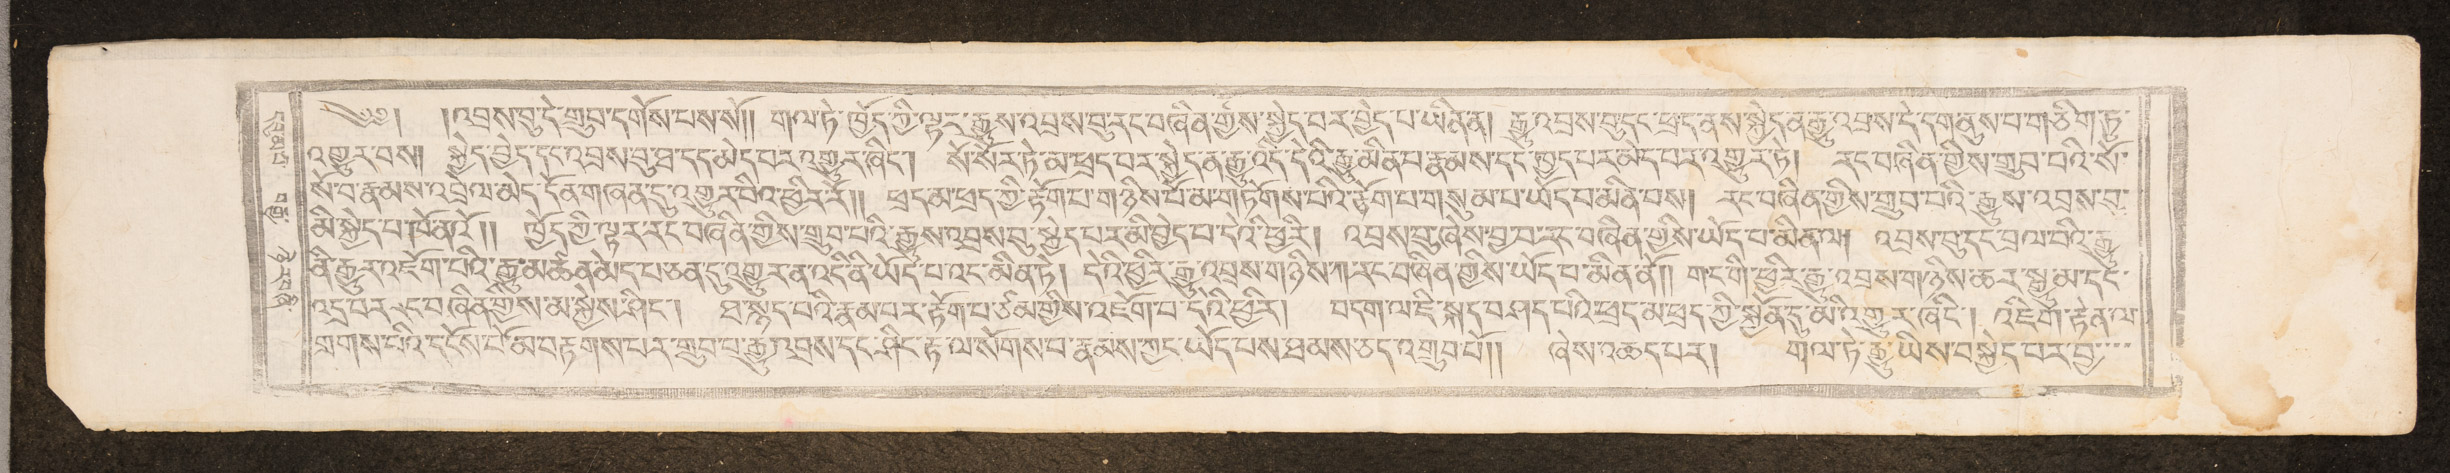༄༅། །འབྲས་བུ་དེ་གྲུབ་དགོས་པས་སོ།། གལ་ཏེ་ཁྱོད་ཀྱི་ལྟར་རྒྱུས་འབྲས་བུ་རང་བཞིན་གྱིས་སྐྱེད་པར་བྱེད་པ་ཡིན་ན། རྒྱུ་འབྲས་བུ་དང་ཕྲད་ནས་སྐྱེད་ན་རྒྱུ་འབྲས་དེ་དག་ནུས་པ་གཅིག་ཏུ་
འགྱུར་བས། སྐྱེད་བྱེད་དང་འབྲས་བུ་ཐ་དད་མེད་པར་འགྱུར་ཞིང་། སོ་སོར་ཏེ་མ་ཕྲད་པར་སྐྱེད་ན་རྒྱུ་འདི་དེའི་རྒྱུ་མིན་པ་རྣམས་དང་ཁྱད་པར་མེད་པར་འགྱུར་ཏེ། རང་བཞིན་གྱིས་གྲུབ་པའི་སོ་
སོ་བ་རྣམས་འབྲེལ་མེད་དོན་གཞན་དུ་འགྱུར་བའི་ཕྱིར་རོ།། ཕྲད་མ་ཕྲད་ཀྱི་རྟོགས་པ་གཉིས་པ་མ་གཏོགས་པའི་རྟོག་པ་གསུམ་པ་ཡོད་པ་མིན་པས། རང་བཞིན་གྱིས་གྲུབ་པའི་རྒྱུས་འབྲས་བུ་
མི་སྐྱེད་པ་ཁོ་ནའོ།། ཁྱོད་ཀྱི་ལྟར་རང་བཞིན་གྱིས་གྲུབ་པའི་རྒྱུས་འབྲས་བུ་སྐྱེད་པར་མི་བྱེད་པ་དེའི་ཕྱིར། འབྲས་བུ་ཞེས་བྱ་བ་རང་བཞིན་གྱིས་ཡོད་པ་མིན་ལ། འབྲས་བུ་དང་བྲལ་བའི་རྒྱུ་
ནི་རྒྱུར་འཇོག་པའི་རྒྱུ་མཚན་མེད་པ་ཅན་དུ་འགྱུར་ན་འདི་ནི་ཡོད་པའང་མིན་ཏེ། དེའི་ཕྱིར་རྒྱུ་འབྲས་གཉིས་ཀ་རང་བཞིན་གྱིས་ཡོད་པ་མིན་ནོ།། གང་གི་ཕྱིར་རྒྱུ་འབྲས་གཉིས་ཆར་སྒྱུ་མ་དང་
འདྲ་བར་རང་བཞིན་གྱིས་མ་སྐྱེས་ཤིང་། ཐ་སྙད་པའི་རྣམ་པར་རྟོག་པ་ཙམ་གྱིས་འཇོགས་པ་དེའི་ཕྱིར། བདག་ལ་ཇི་སྐད་བཤད་པའི་ཕྲད་མ་ཕྲད་ཀྱི་སྐྱོན་དུ་མི་འགྱུར་ཞིང་། འཇིག་རྟེན་ལ་
གླགས་པའི་དངོས་པོ་མ་བརྟགས་པར་གྲུབ་པ་རྒྱུ་འབྲས་དང་ཤིང་རྟ་ལ་སོགས་པ་རྣམས་ཀྱང་ཡོད་པས་ཐམས་ཅད་འགྲུབ་བོ།། ཞེས་འཆད་པར། གལ་ཏེ་རྒྱུ་ཡིས་བསྐྱེད་པར་བྱ་